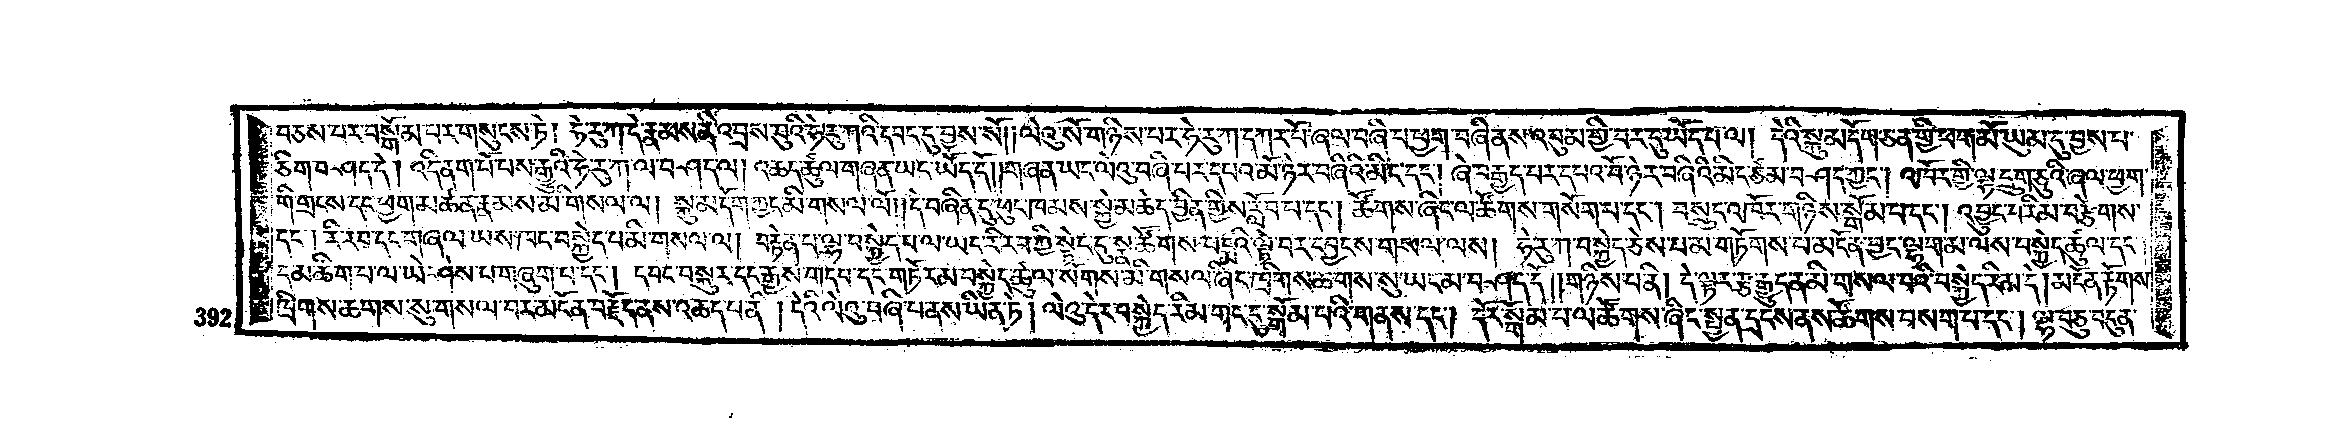བཅས་པར་བསྒོམ་པར་གསུངས་ཏེ། ཧེ་རུ་ཀ་དེ་རྣམས་ནི་འབྲས་བུའི་ཧེ་རུ་ཀའི་དབང་དུ་བྱས་སོ། །ལེའུ་སོ་གཉིས་པར་ཧེ་རུ་ཀ་དཀར་པོ་ཞལ་བཞི་པ་ཕྱག་བཞི་ནས་འབུམ་གྱི་བར་དུ་ཡོད་པ་ལ། དེའི་སྐུ་མདོག་ཅན་གྱི་ཕག་མོ་ཡུམ་དུ་བྱས་པ་
ཅིག་བཤད་དེ། འདི་ནག་པོ་པས་རྒྱུའི་ཧེ་རུ་ཀ་ལ་བཤད་ལ། འཆད་ཚུལ་གཞན་ཡང་ཡོད་དོ། །གཞན་ཡང་ལེའུ་བཞི་པར་དཔའ་མོ་ཉེར་བཞིའི་མིང་དང་། ཞེ་བརྒྱད་པར་དཔའ་བོ་ཉེར་བཞིའི་མིང་ཙམ་བཤད་ཀྱང་། འཁོར་གྱི་ལྷ་དྲུག་ཅུའི་ཞལ་ཕྱག་
གི་གྲངས་དང་ཕྱག་མཚན་རྣམས་མི་གསལ་ལ། སྐུ་མདོག་ཀྱང་མི་གསལ་ལོ། །དེ་བཞིན་དུ་ཕུང་ཁམས་སྐྱེ་མཆེད་བྱིན་གྱིས་རློབ་པ་དང་། ཚོགས་ཞིང་ལ་ཚོགས་གསོག་པ་དང་། བསྲུང་འཁོར་གཉིས་སྒོམ་པ་དང་། འབྱུང་བ་རིམ་བརྩེགས་
དང་། རི་རབ་དང་གཞལ་ཡས་ཁང་བསྐྱེད་པ་མི་གསལ་ལ། བརྟེན་པ་ལྷ་བསྐྱེད་པ་ལ་ཡང་རི་རབ་ཀྱི་སྟེང་དུ་སྣ་ཚོགས་པདམའི་ལྟེ་བར་དབྱངས་གསལ་ལས། ཧ་རུ་ཀ་བསྐྱེད་ཅེས་པ་མ་གཏོགས་པ་མངོན་བྱང་ལྷག་མ་ལས་བསྐྱེད་ཚུལ་དང་།
དམ་ཚིག་པ་ལ་ཡེ་ཤེས་པ་གཞུག་པ་དང་། དབང་བསྐུར་དང་རྒྱས་གདབ་དང་གཏོར་མ་བསྐྱེད་ཚུལ་སོགས་མི་གསལ་ཞིང་ཁྲིགས་ཆགས་སུ་ཡང་མ་བཤད་དོ། །གཉིས་པ་ནི། དེ་ལྟར་རྩ་རྒྱུད་ན་མི་གསལ་བའི་བསྐྱེད་རིམ་དེ། མངོན་རྟོགས་
ཁྲིགས་ཆགས་སུ་གསལ་བར་མངོན་བརྗོད་ནས་འཆད་པ་ནི། དེའི་ལེའུ་བཞི་པ་ནས་ཡིན་ཏེ། ལེའུ་དེར་བསྐྱེད་རིམ་གང་དུ་སྒོམ་པའི་གནས་དང་། དེར་སྒོམ་པ་ལ་ཚོགས་ཞིང་སྤྱན་དྲངས་ནས་ཚོགས་བསག་པ་དང་། ལྷ་བཅུ་བདུན་